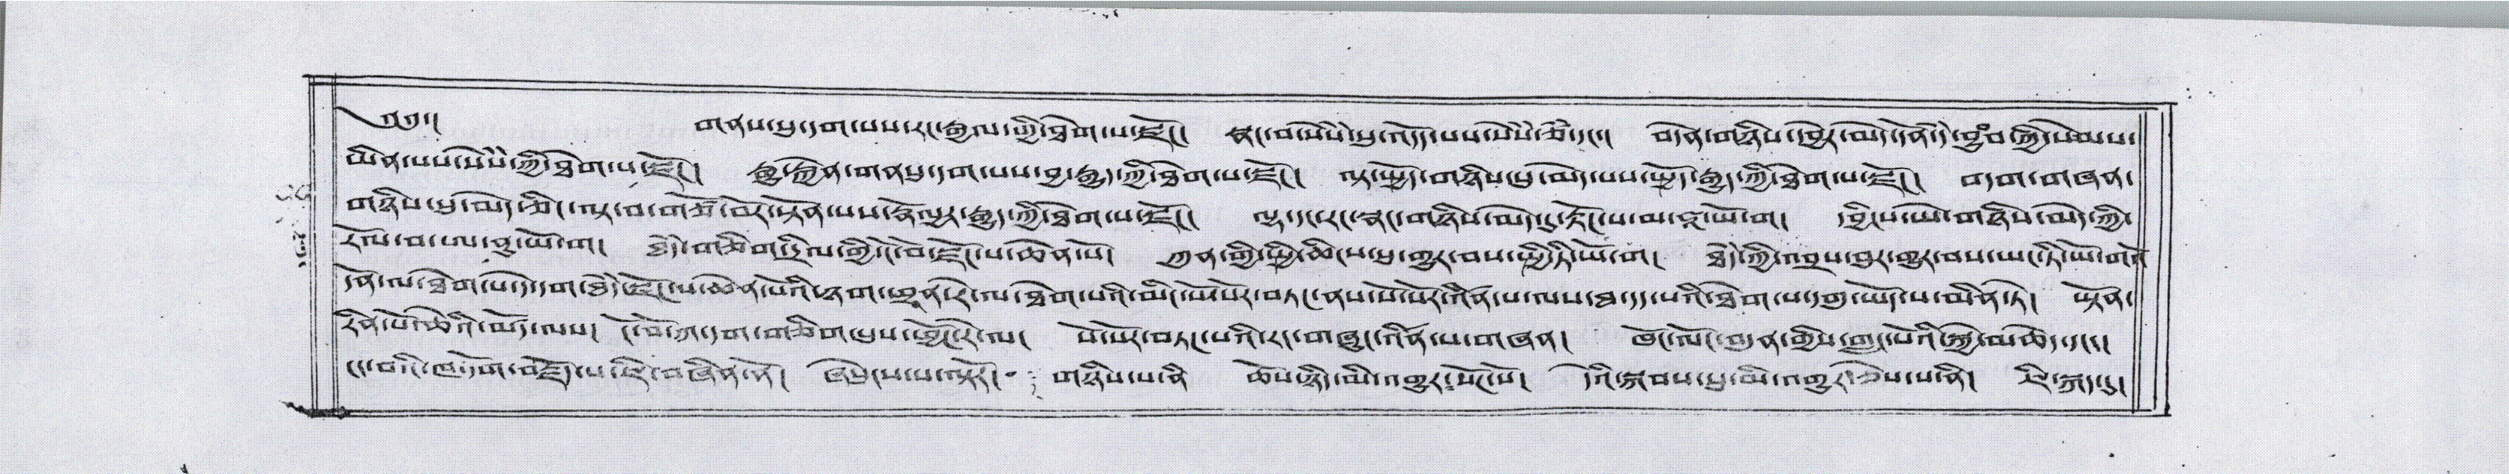གནས་སུ་དག་པས་རང་རྒྱལ་གྱི་ཐེག་པ་རྫོགས། སྣང་བ་སེམས་སུ་འདོད་པས་སེམས་ཙམ་དང་། བདེན་གཉིས་དབྱེར་མེད་དོན་དམ་བྱང་ཆུབ་ཀྱི་སེམས་
ཡིན་པས་སེམས་ཀྱི་ཐེག་པ་རྫོགས། རྒྱུ་རྐྱེན་གནས་སུ་དག་པས་བྱ་རྒྱུད་ཀྱི་ཐེག་པ་རྫོགས། ལྟ་སྤྱོད་གཉིས་སུ་མེད་པས་སྤྱོད་རྒྱུད་ཀྱི་ཐེག་པ་རྫོགས། བདག་གཞན་
གཉིས་སུ་མེད་ཅིང་ལྟ་བ་གཙོ་བོར་སྟོན་པས་རྣལ་འབྱོར་རྒྱུད་ཀྱི་ཐེག་པ་རྫོགས། ལྷ་དང་རང་སྣང་གཉིས་མེད་དུ་རྟོགས་པས་མ་ཧཱ་ཡོ་ག དབྱིངས་ཡེ་གཉིས་མེད་ཀྱི་
རོལ་པ་ཨ་ནུ་ཡོ་ག ཐམས་ཅད་གཅིག་དྲིལ་གྱི་ངོ་བོ་རྫོགས་པ་ཆེན་པོ། ཀུན་གྱི་སྤྱི་ཆིངས་སུ་གྱུར་པས་སྤྱི་ཏི་ཡོ་ག ཐམས་ཅད་ཀྱི་འབྲས་བུར་གྱུར་པས་ཡང་ཏི་ཡོ་གའོ། 
དོན་ལ་ཐེག་པ་དེ་དག་ཐམས་ཅད་རྫོགས་པ་ཆེན་པོའིོ་ཉག་ཕྲན་རེ་ལ་ཐེག་པའི་མིང་སོ་སོར་བཏགས་ནས་སོ་སོར་འཛིན་པ་ལས་ཐ་དད་པའི་ཐེག་པ་དགུ་ཡོད་པ་མིན་ཏེ། ཡོན་ཏན་
རིན་པོ་ཆེའི་མཛོད་ལས། ངོ་བོ་ཀ་དག་གཅིག་པས་ཕྱོགས་རེ་ལ། སོ་སོར་བཏགས་པས་རང་གཞུང་འཛིན་པ་གཞན། ཁོང་ལོང་བདུན་གྱིས་གླང་པོའི་སྐྱེ་མཆེད་དང་
བདུན། ངང་པའི་ཁ་དོག་བརྗོད་པ་ཇི་བཞིན་ནོ། ཞེས་གསུངས་པ་ལྟར་རོ།། ༧ གཉིས་པ་ནི། ཆོས་ཉིད་མི་འགྱུར་སོགས་སོ། དེའི་སྐབས་སུ་མི་འགྱུར་ཅེས་པ་ནི། ཇི་སྐད་དུ།